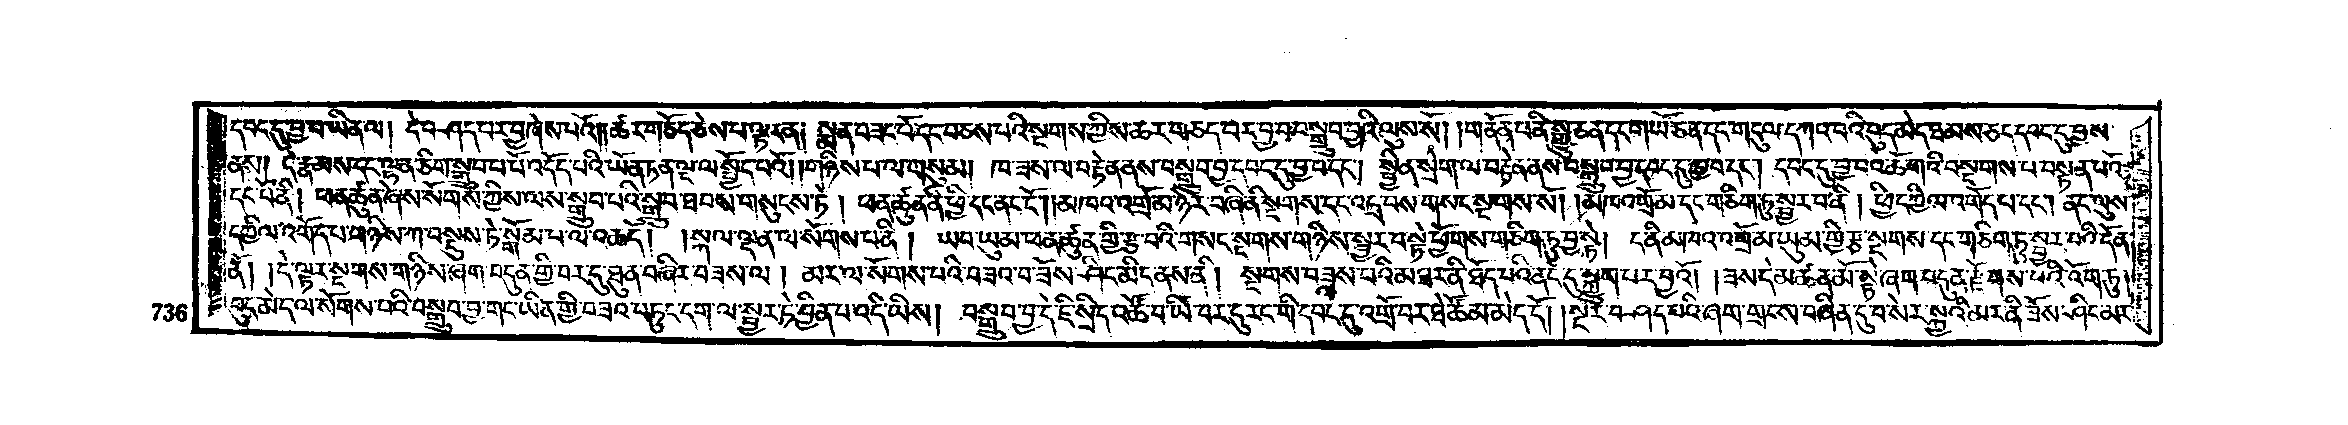དབང་དུ་བྱ་བ་ཡིན་ལ། དེ་བཤད་པར་བྱ་ཞེས་པའོ། །ཚར་གཅོད་ཅེས་པ་ལྟར་ན། སྨན་བཟང་པོ་དང་བཅས་པའི་སྔགས་ཀྱིས་ཚར་གཅད་པར་བྱ་བ་བསྒྲུབ་བྱའི་ལུས་སོ། །གནོན་པ་ནི་སྒྱུ་ཅན་དང་གཡོ་ཅན་དང་གདུལ་དཀའ་བའི་བུད་མེད་ཐམས་ཅད་དབང་དུ་བྱས་
ནས། དེ་རྣམས་དང་ལྷན་ཅིག་སྒྲུབ་པ་པོ་འདོད་པའི་ཡོན་ཏན་ལྔ་ལ་སྤྱོད་པའོ། །གཉིས་པ་ལ་གསུམ། ཁ་ཟས་ལ་བརྟེན་ནས་བསྒྲུབ་བྱ་དབང་དུ་བྱ་བ་དང་། སྦྱིན་སྲེག་ལ་བརྟེན་ནས་བསྒྲུབ་བྱ་དབང་དུ་བྱ་བ་དང་། དབང་དུ་བྱ་བའི་ཆོ་གའི་བསྔགས་པ་བསྟན་པའོ། །
དང་པོ་ནི། ཕན་ཚུན་ཞེས་སོགས་ཀྱིས་ལས་སྒྲུབ་པའི་སྒྲུབ་ཐབས་གསུངས་ཏེ། ཕན་ཚུན་ནི་ཕྱི་དང་ནང་ངོ། །མཁའ་འགྲོ་མ་ཉེར་བཞི་ནི་སྔགས་དང་འདྲ་བས་གསང་སྔགས་སོ། །མཁའ་འགྲོ་མ་དང་གཅིག་ཏུ་སྦྱར་བ་ནི། ཕྱི་དཀྱིལ་འགོད་པ་དང་། ནང་ལུས་
དཀྱིལ་འགོད་པ་གཉིས་ཀ་བསྡུས་ཏེ་སྒོམ་པ་ལ་འཆད་དོ། །སྐལ་ལྡན་ལ་སོགས་པ་ནི། ཡབ་ཡུམ་ཕན་ཚུན་གྱི་རྩ་བའི་གསང་སྔགས་གཉིས་སྦྱར་བ་སྟེ་ཕྱོགས་གཅིག་ཏུ་བྱ་སྟེ། ད་ནི་མཁའ་འགྲོ་མ་ཡུམ་གྱི་རྩ་སྔགས་དང་གཅིག་ཏུ་སྦྱར་བའི་དོན་
ནོ། །དེ་ལྟར་སྔགས་གཉིས་ཞག་བདུན་གྱི་བར་དུ་ཐུན་བཞིར་བཟླས་ལ། མར་ལ་སོགས་པའི་བཟའ་བ་ཟོས་ཤིང་མིད་ནས་ནི། སྔགས་བཟླས་པའི་མཐར་ནི་ཐོད་པའི་ནང་དུ་སྐྱུག་པར་བྱའོ། །ཟས་དེ་མཚན་མོ་སྟེ་ཞག་བདུན་རྫོགས་པའི་འོག་ཏུ།
བུད་མེད་ལ་སོགས་པའི་བསྒྲུབ་བྱ་གང་ཡིན་གྱི་བཟའ་བཏུང་དག་ལ་སྦྱར་ཏེ་བྱིན་པ་འདི་ཡིས། བསྒྲུབ་བྱ་དེ་ཇི་སྲིད་འཚོ་བ་ཡི་བར་དུ་རང་གི་དབང་དུ་འགྲོ་བར་ཐེ་ཚོམ་མེད་དོ། །སྔར་བཤད་པའི་ཞག་གྲངས་བཞིན་དུ་བ་སེར་སྐྱའི་མར་ནི་ཟོས་ཤིང་མར་